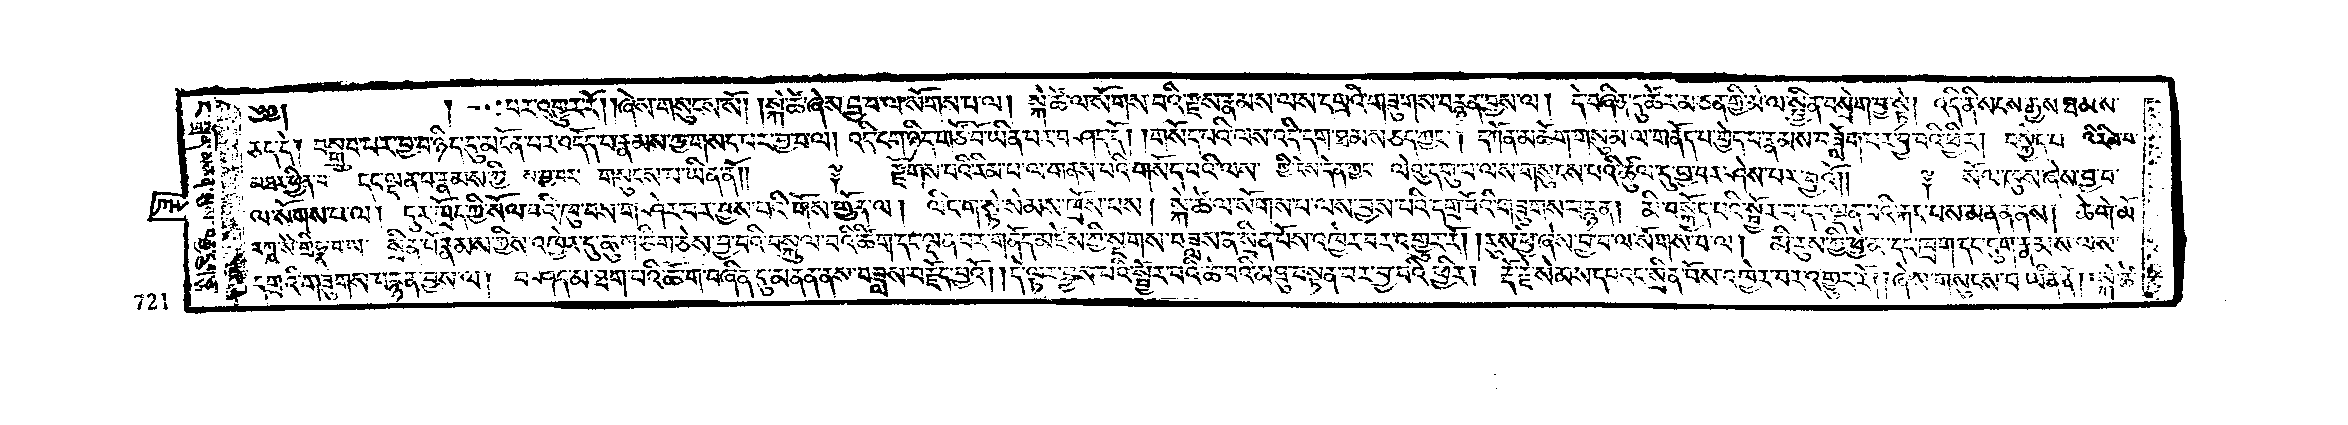༄༅། །པར་འགྱུར་རོ། །ཞེས་གསུངས་སོ། །སྐེ་ཚེ་ཞེས་བྱ་བ་ལ་སོགས་པ་ལ། སྐེ་ཚེ་ལ་སོགས་པའི་རྫས་རྣམས་ལས་དགྲའི་གཟུགས་བརྙན་བྱས་ལ། དེ་བཞིན་དུ་ཚེར་མ་ཅན་གྱི་མེ་ལ་སྦྱིན་བསྲེག་བྱ་སྟེ། འདི་ནི་སངས་རྒྱས་ཐམས་
ཅད་དེ། བསྒྲུབ་པར་བྱ་བ་ཉིད་དུ་མངོན་པར་འདོད་པ་རྣམས་ཀྱི་གསད་པར་བྱ་བ་ལ། འདི་དག་ཉིད་གཙོ་བོ་ཡིན་པར་བཤད་དོ། །གསོད་པའི་ལས་འདི་དག་ཐམས་ཅད་ཀྱང་། དཀོན་མཆོག་གསུམ་ལ་གནོད་པ་བྱེད་པ་རྣམས་བཟློག་པར་བྱ་བའི་ཕྱིར། བསྐྱེད་པའི་རིམ་པ་
མཐར་ཕྱིན་པ་དང་ལྡན་པ་རྣམས་ཀྱིས་བྱ་བར་གསུངས་པ་ཡིན་ནོ།། ༈ རྫོགས་པའི་རིམ་པ་ལ་གནས་པའི་གསོད་པའི་ལས་ཀྱི་ངེས་དོན་ཀྱང་ལེའུ་དགུ་པ་ལས་གསུངས་པའི་ཚུལ་དུ་བྱ་བར་ཤེས་པར་བྱའོ།། ༈ སོལ་ཁུས་ཞེས་བྱ་བ་
ལ་སོགས་པ་ལ། དུར་ཁྲོད་ཀྱི་སོལ་བའི་ཁུ་བས་གཤེར་བར་བྱས་པའི་གོས་གྱོན་ལ། ལིང་ག་སྟེ་སེམས་ཁྲོས་པས། སྐེ་ཚེ་ལ་སོགས་པ་ལས་བྱས་པའི་དགྲ་བོའི་གཟུགས་བརྙན། མི་བསྐྱོད་པའི་སྦྱོར་བ་དང་ལྡན་པའི་རྐང་པས་མནན་ནས། ཆེ་གེ་མོ་
རཀྵ་སཻ་གྲི་ཧྣ་བ་ཡ་སྲིན་པོ་རྣམས་ཀྱིས་འཁྱེར་དུ་ཆུ་གཅིག་ཅེས་བྱ་བའི་བསྐུལ་བའི་ཚིག་དང་ལྡན་པར་གནོད་མཛེས་ཀྱི་སྔགས་བཟླས་ན་སྲིན་པོས་འཁྱེར་བར་འགྱུར་རོ། །རུས་ཕྱེ་ཞེས་བྱ་བ་ལ་སོགས་པ་ལ། མི་རུས་ཀྱི་ཕྱེ་མ་དང་ཁྲག་དང་དུག་རྣམས་ལས་
དགྲའི་གཟུགས་བརྙན་བྱས་ལ། བཤད་མ་ཐག་པའི་ཆོ་ག་བཞིན་དུ་མནན་ནས་བཟླས་བརྗོད་བྱའོ། །དེ་ལྟར་བྱས་པའི་སྦྱོར་བའི་ཆེ་བའི་མཐུ་བསྟན་པར་བྱ་བའི་ཕྱིར། རྡོ་རྗེ་སེམས་དཔའང་སྲིན་པོས་འཁྱེར་བར་འགྱུར་རོ། །ཞེས་གསུངས་པ་ཡིན་ནོ། །སྐེ་ཚེ་